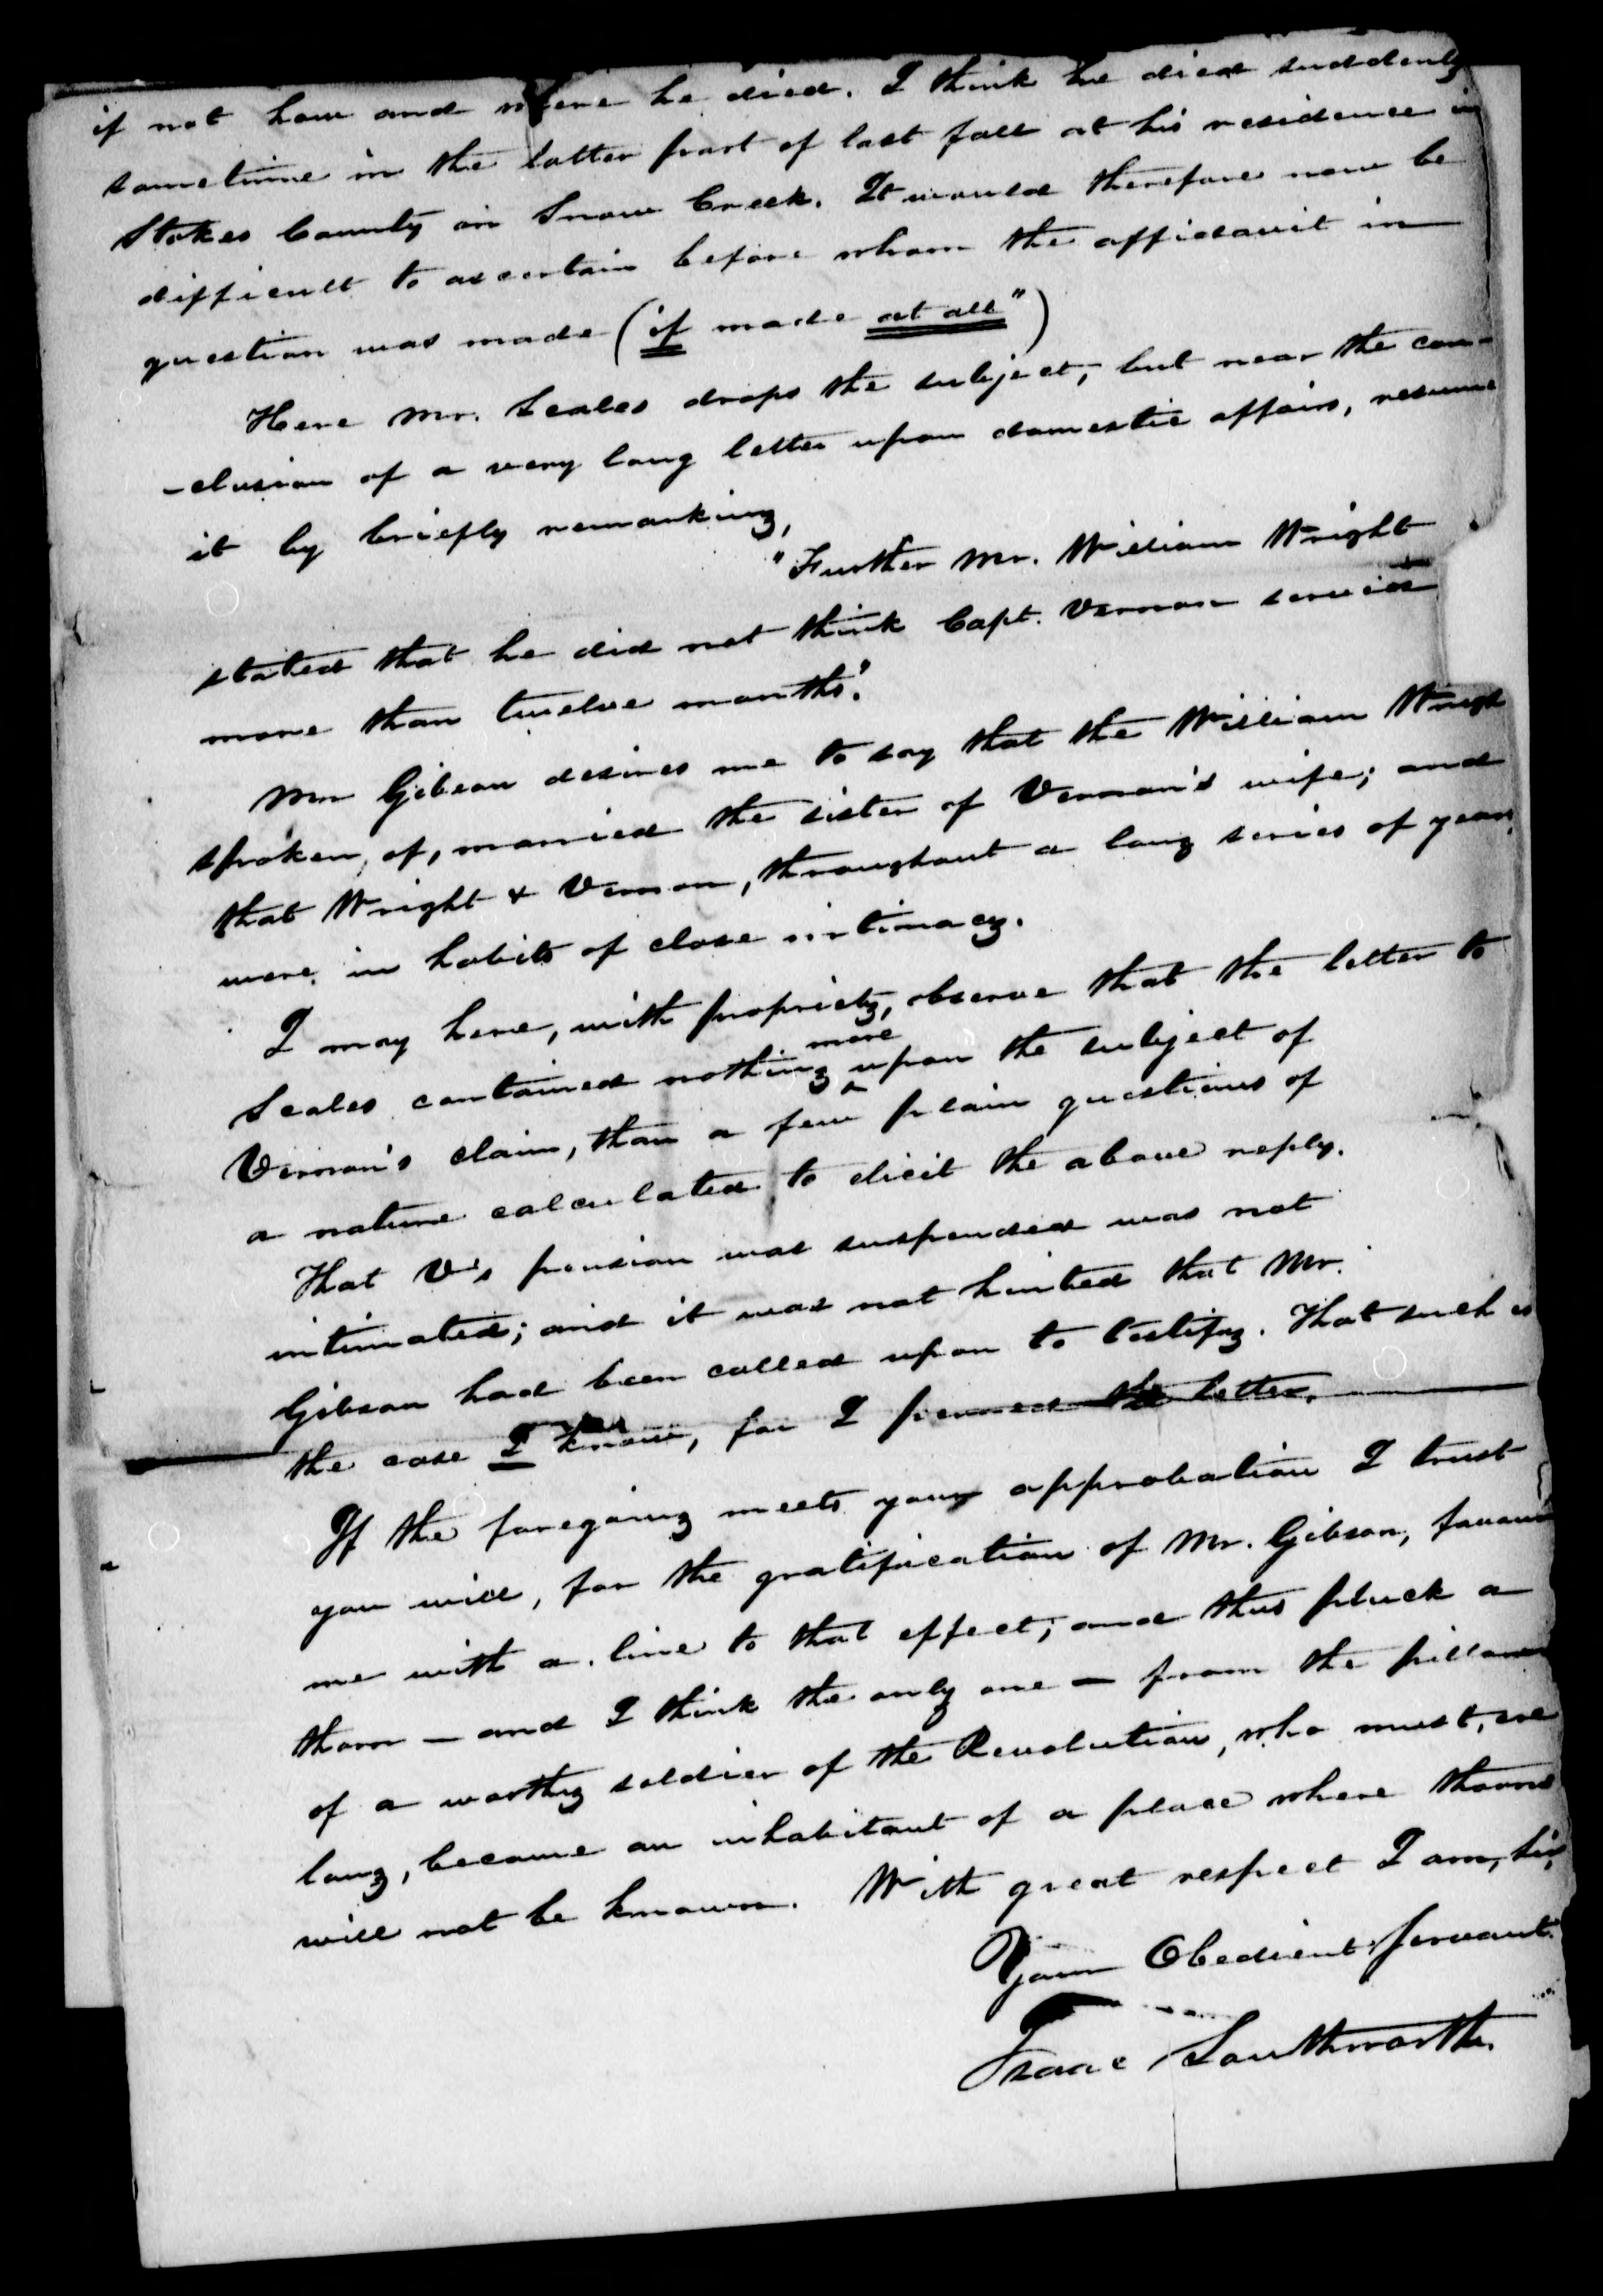if not how and where he died. I think he died suddenly sometime in the latter part of last fall at his residence in Stokes County on Snow Creek.  It would therefore now be difficult to ascertain before whom the affidavit is question was made (if made at all”)

Hence Mr. Scales drops the subject, but near the conclusion of a very long letter upon domestic affairs, resumes it by briefly remarking, 
“Further Mr. William Wright stated that he did not think Capt. Vernon service more than twelve months.
Mr. Gibson desires me to say that the William Wright spoken of,  married the sister of Vernon’s wife; and that Wright & Vernon, throughout a long series of years, were in habit of close intimacy.
I may have, with propriety, observe that the letter to Scales contained nothing more upon the subject of Vernon’s claim, than a few plain questions of a nature calculated to illicit the above reply.
That V’s pension was suspended was not intimidated; and it was not hinted that Mr. Gibson had been called upon to testify. That such is the case I know, for I penned the letter.
If the foregoing meets your approbation I trust you will, for the gratification of Mr. Gibson, forward me with a line to that effect; and thus pluck a them – and I think the only one - from the [illegible] of a worthy soldier of the Revolution, who must we [illegible] became an inhabitant of a place where [illegible] will not be known.  With great respect I am, Sir
Your Obedient Servant
Isaac Southworth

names: Isaac Southworth, Gibson, Wright, Scales, Gibson, Scales, William Wright, William Wright, Vernon, Vernon, Vernon, Gibson, Vernon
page: 83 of 105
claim: survivor's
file: S. 1883, Richard Vernon, N.C.